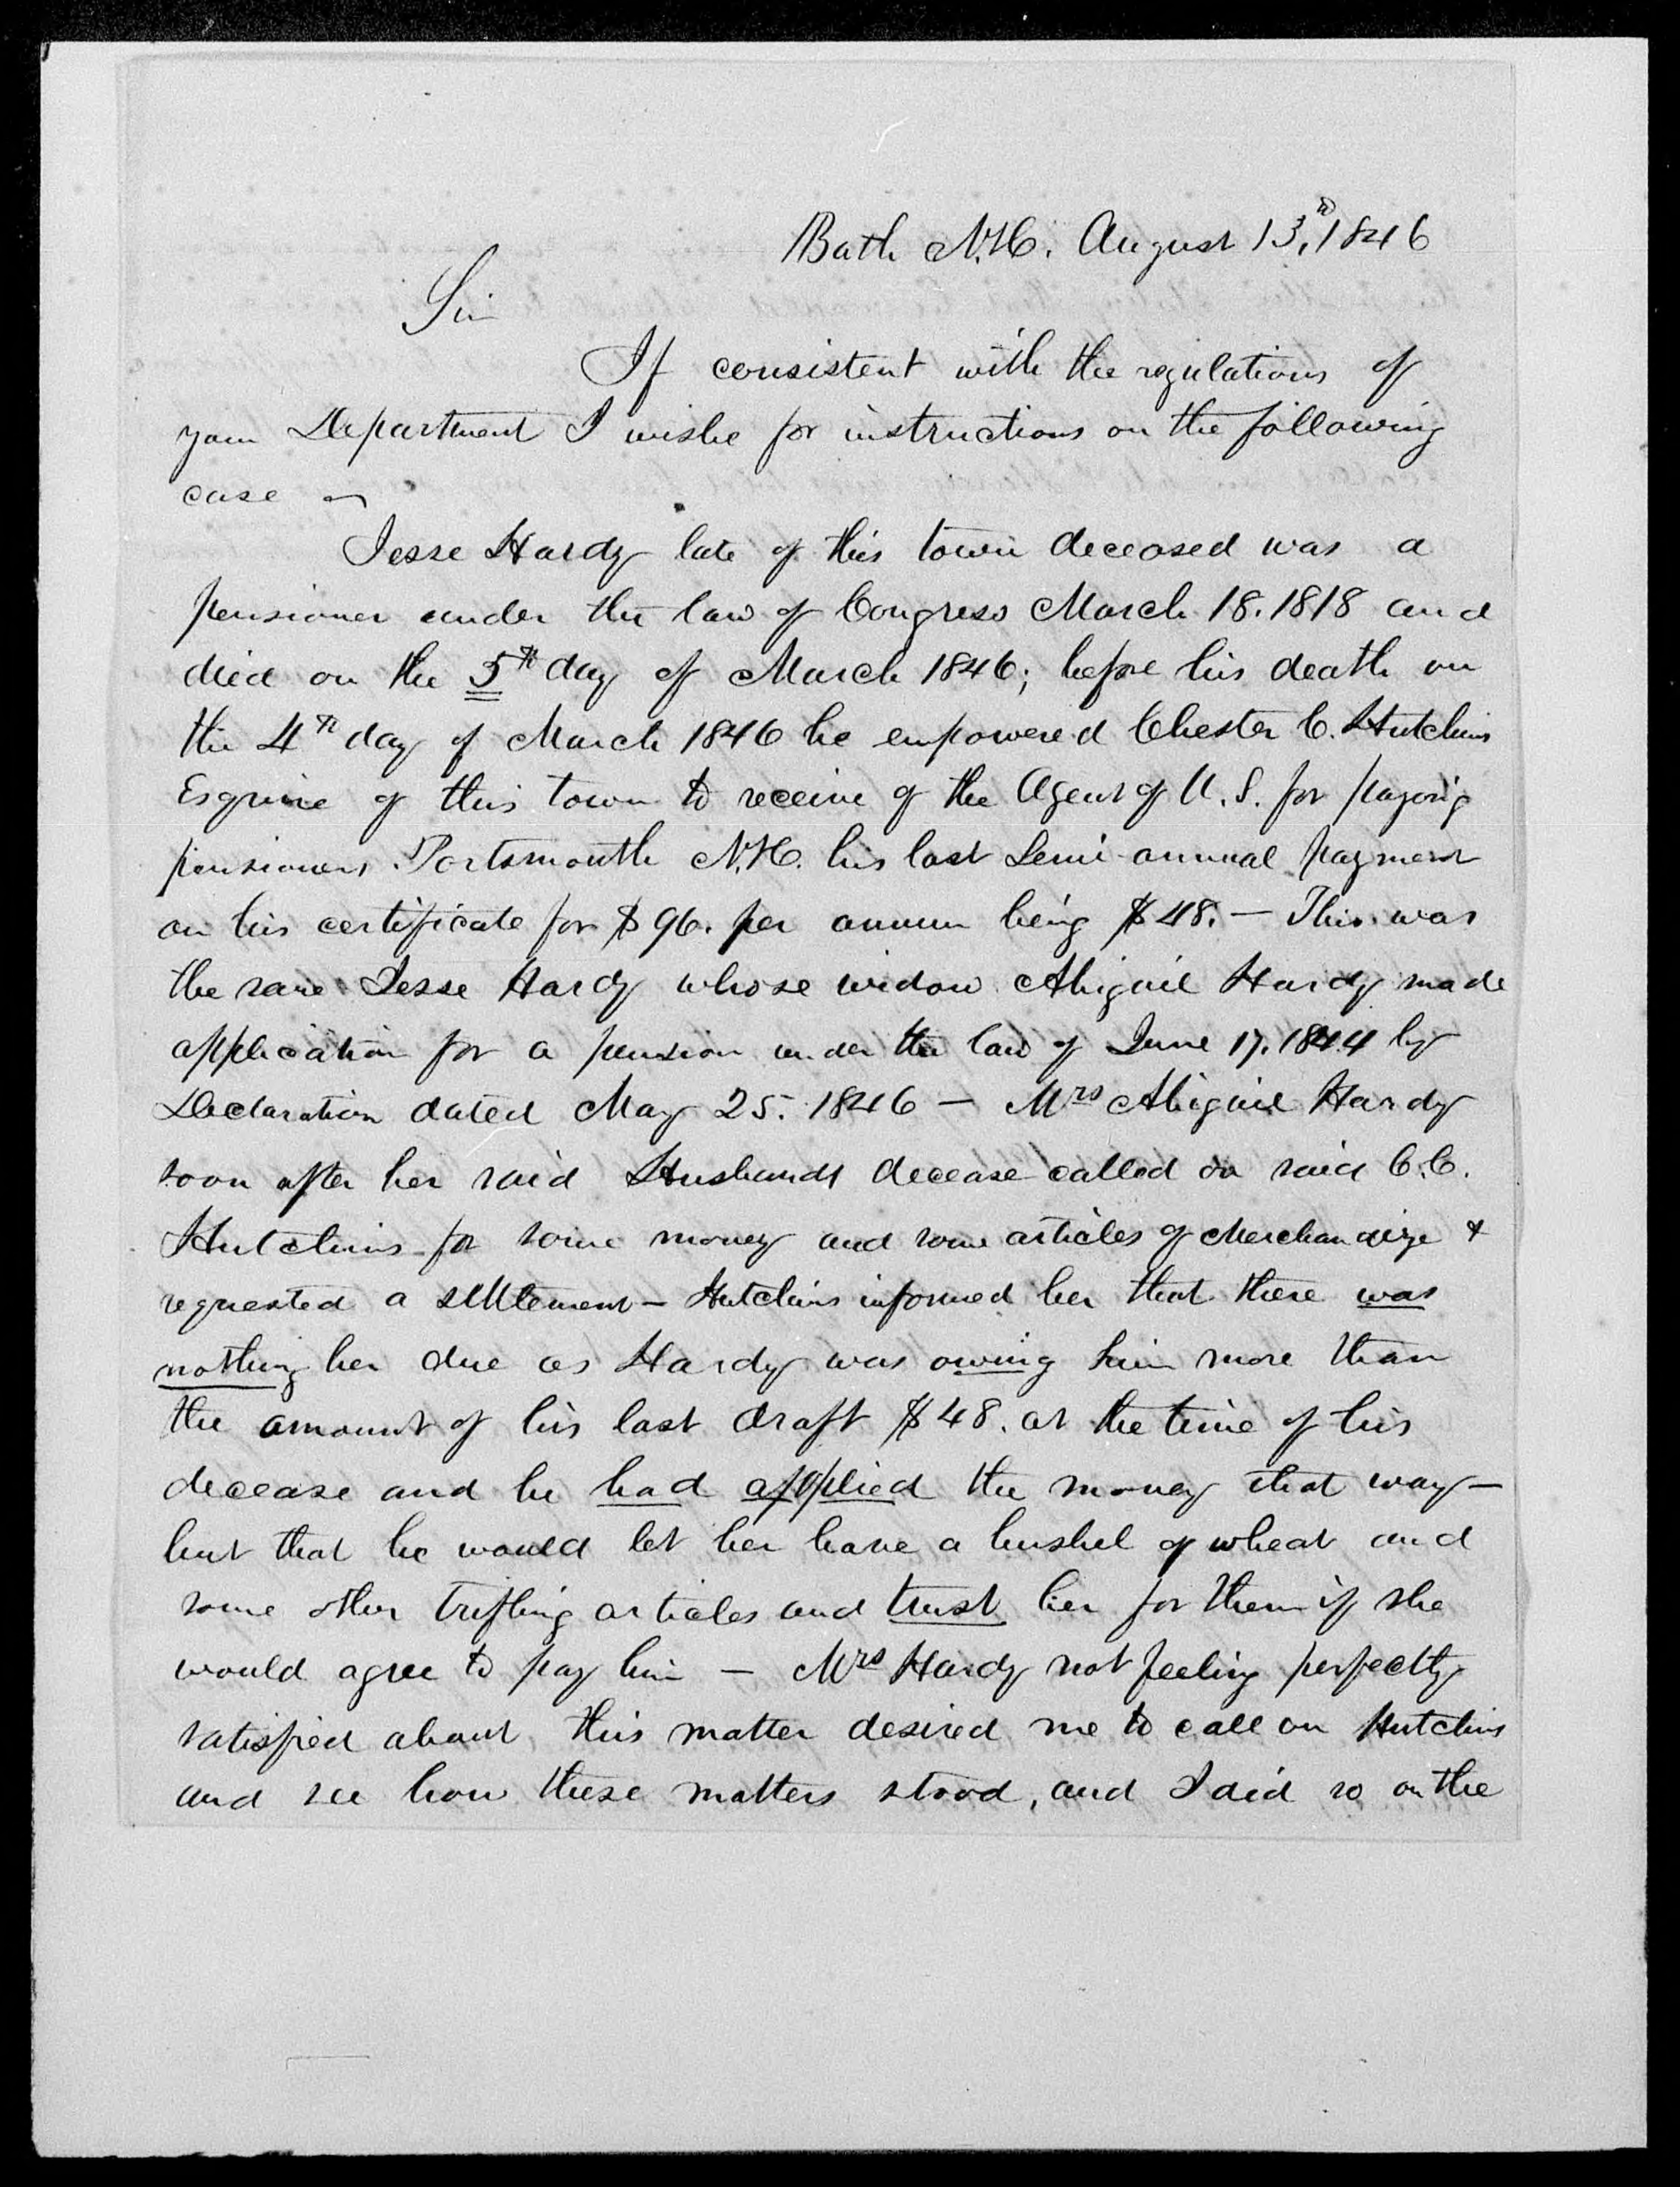Bath NH August 13, 1846

If consistent with the regulations of your department I wish for instructions on the following case -
Jesse Hardy late of this town deceased was a pensioner under the law of Congress March 18, 1818 and died on the 5th day of March 1846, before his death on the 4th day of March 1846 he empowered a Chester Hutchens  Esquire of this town to receive of the Agent of U.S for [unk] [unk] Portsmouth N.H. his last semi-arrival [unk] on his certificate for $96. per annum being $48 - This was the same Jesse Hardy whose widow Abigail Hardy made application for a partition under the law of June 17, 1844 by declaration dated May 25, 1846 - Mrs Abigail Hardy soon after her said husband decease called on said C.C Hitchins for some money and some articled of [unk] age & requested a settlement - Hutchins  informed her that there was nothing her due as Hardy was owing fair more than the amount of is last draft $48, at the time disease and he had applied the money that way - but that he would let her have a bushel of wheat and some other trifling articles and trust her for them if she would agree to pay him - Mrs Hardy not feeling perfectly satisfied about this matter desired me to call on Hutchins and see how these matters stood, and said so on the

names: Hardy, C C Hutchins, Abigail Hardy, Jesse Hardy, Hardy, Abigail Hardy, Jesse Hardy, Chester C Hutchins, Hutchins, Hutchins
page: 50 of 67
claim: widow's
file: W. 23183, Jesse Hardy, Mass.